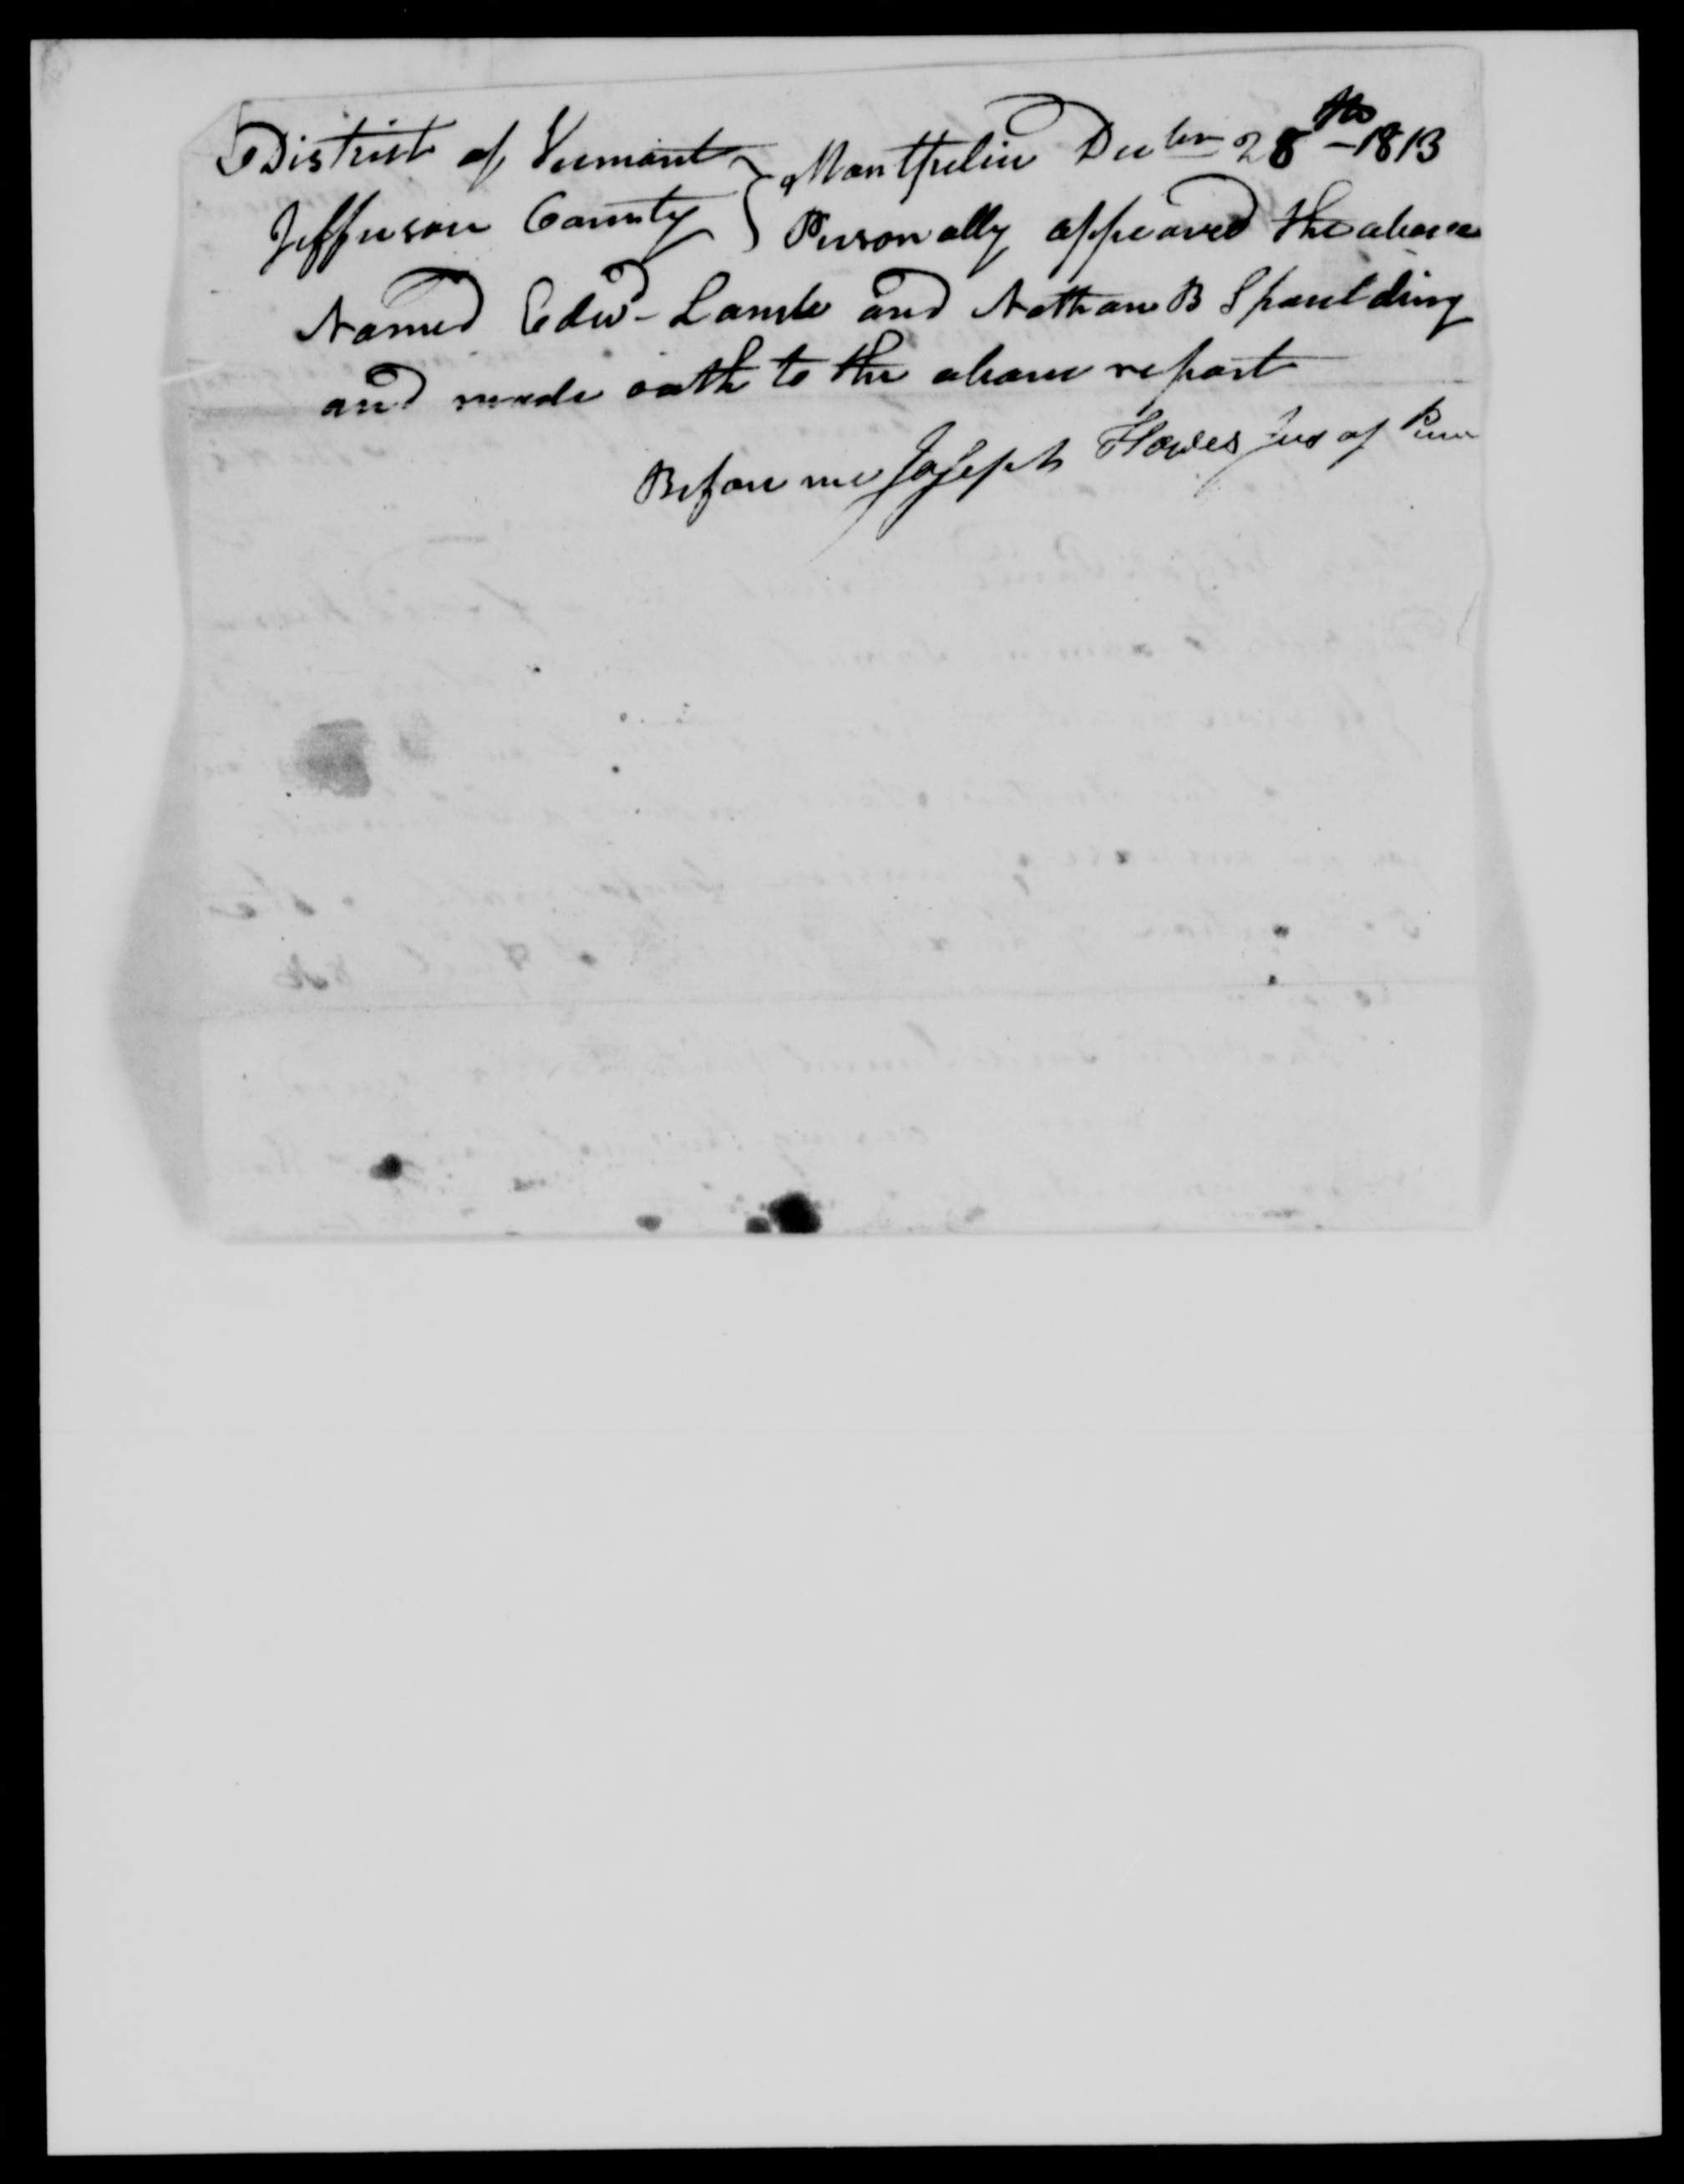District of Vermont
Jefferson County
Montpelier Dec. 18, 1813
Personally appeared the above named Edw. Lamb and Nathan B. Spaulding and made oath to the above report.
Before me Joseph Howes, Jus. of Peace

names: Edwd Lamb, Joseph Howes, Nathan B Spaulding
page: 65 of 79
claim: survivor's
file: S. 11759, Samuel White, Mass.